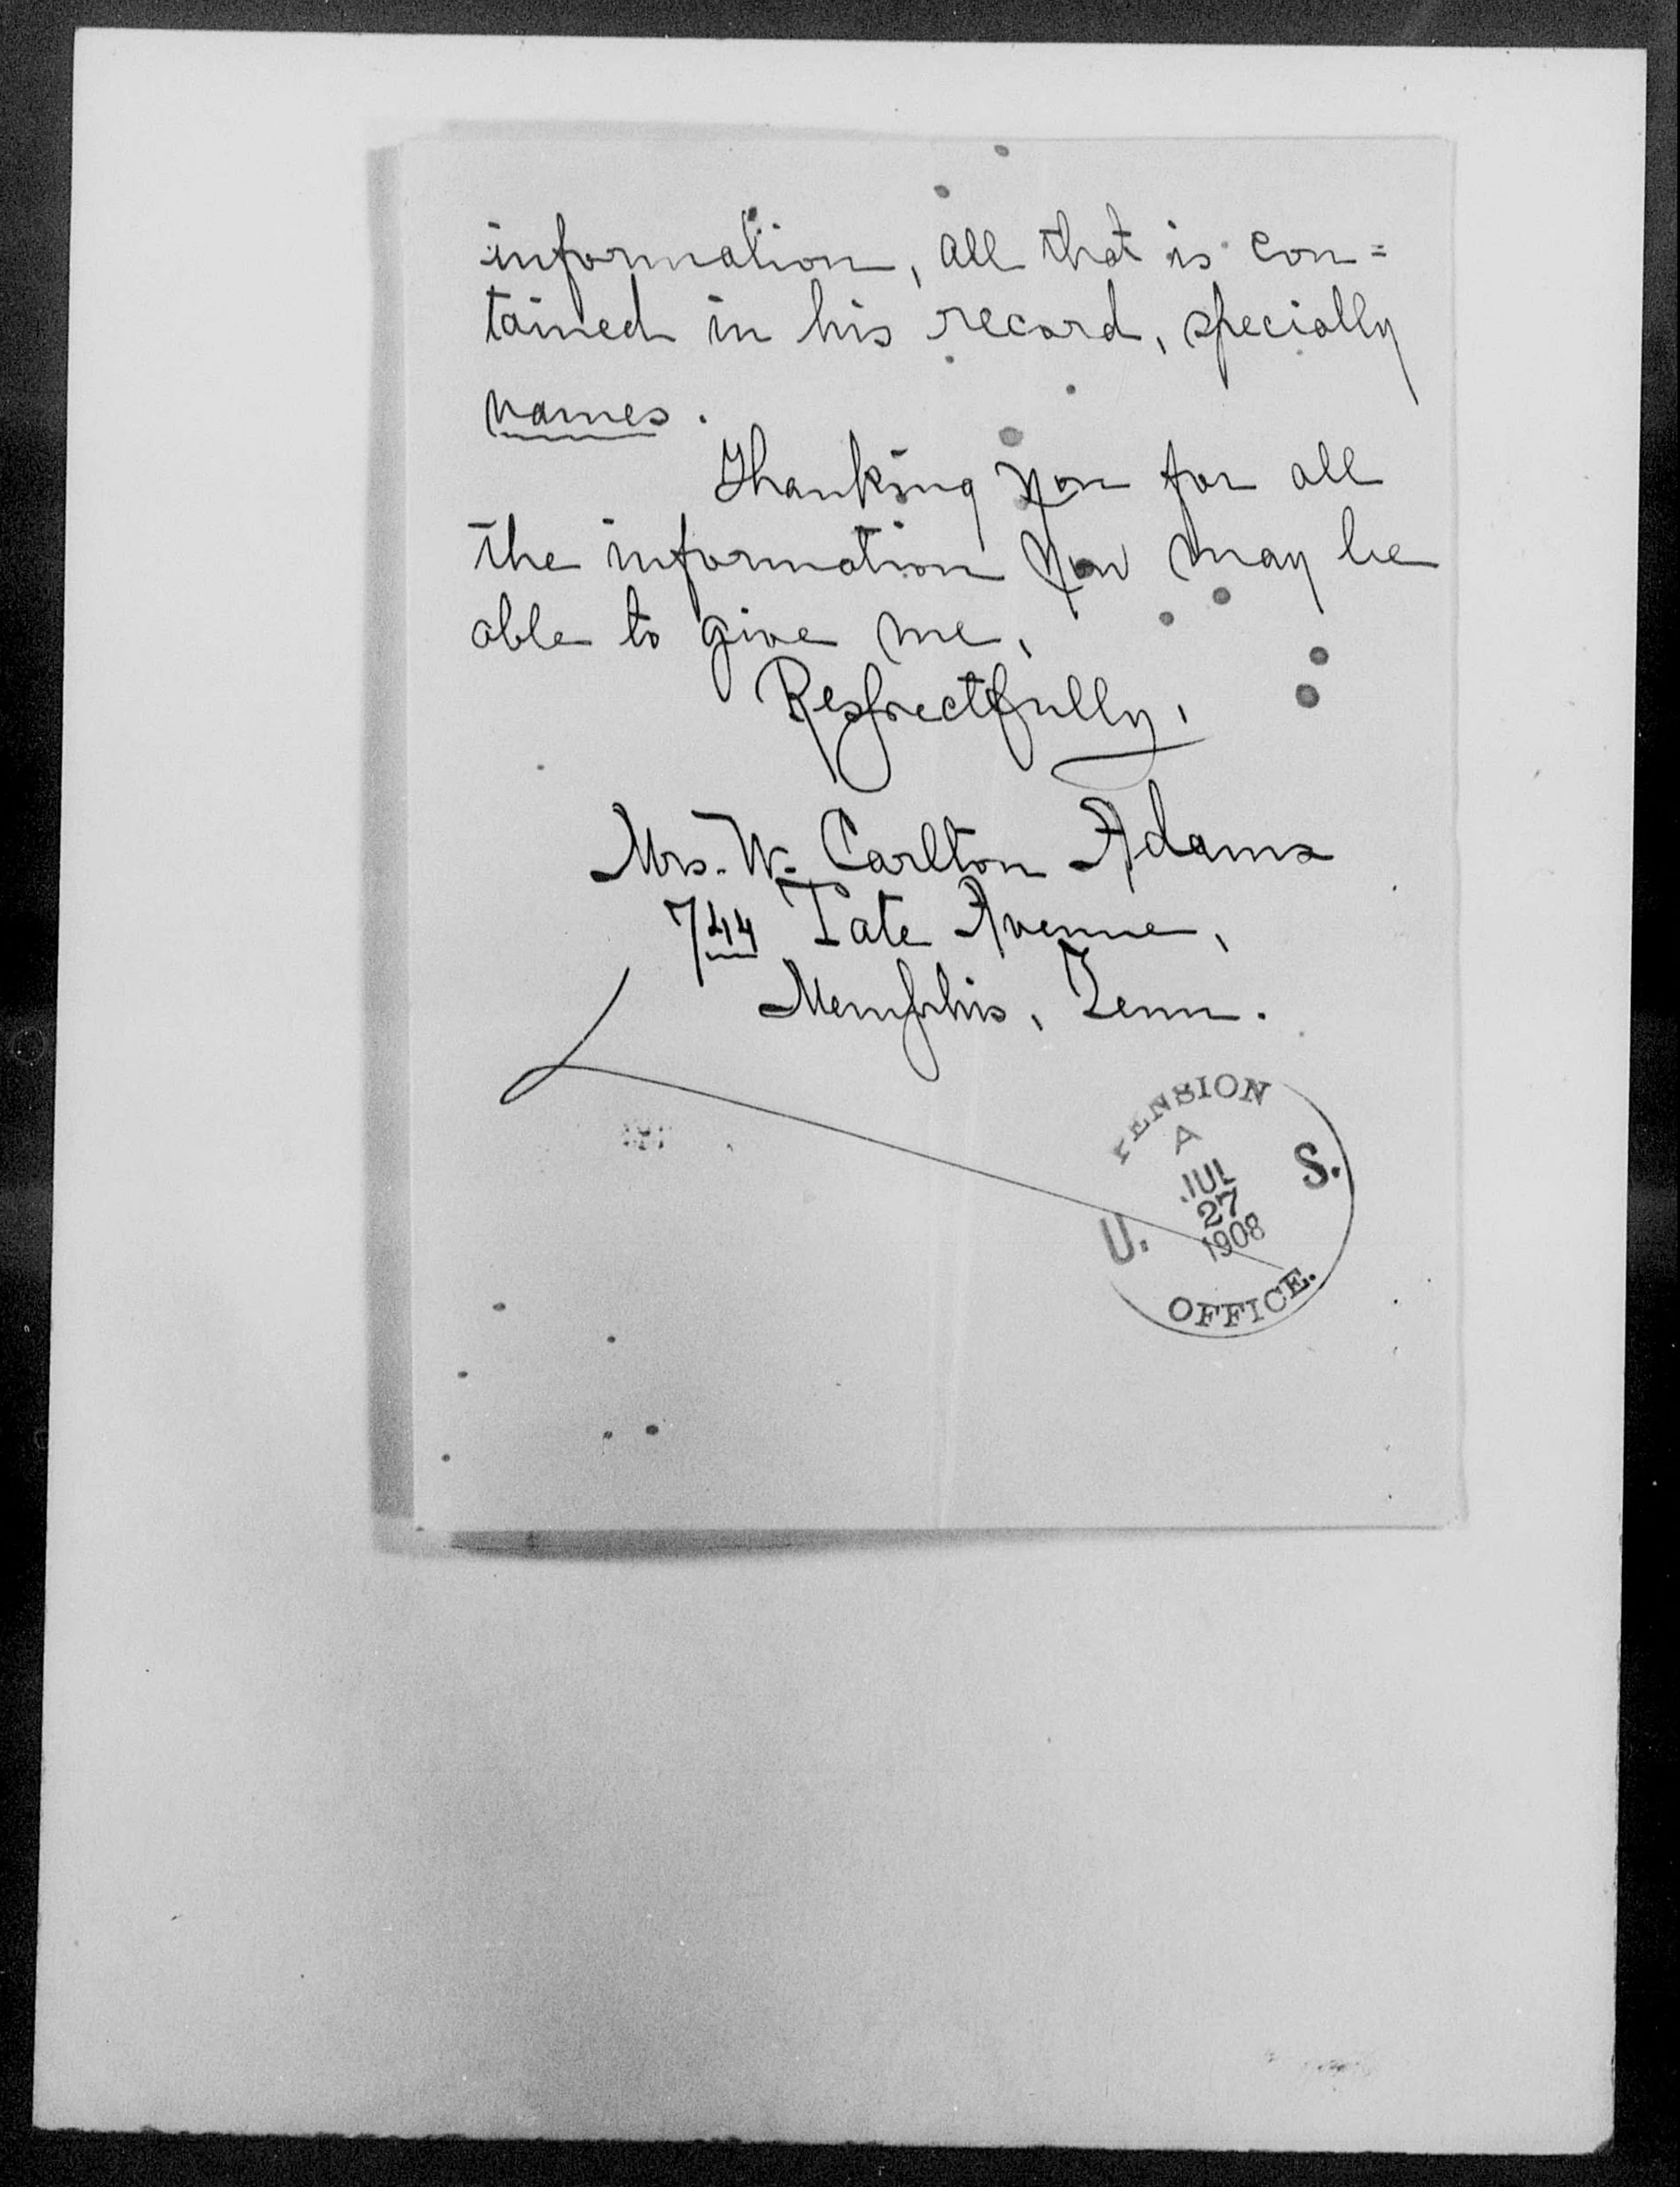information, all that is contained in his record, specifically names.
Thanking you for all the information you may be able to give me,
Respectfully,
Mrs. W. Carlton Adams
7414 Tate Avenue,
Memphis, Tenn.

[stamp]
PENSION
A
JUL
U. 27 S.
1908
OFFICE.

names: W Carlton Adams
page: 147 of 267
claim: widow's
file: W. 4,149, William Campbell, Va.